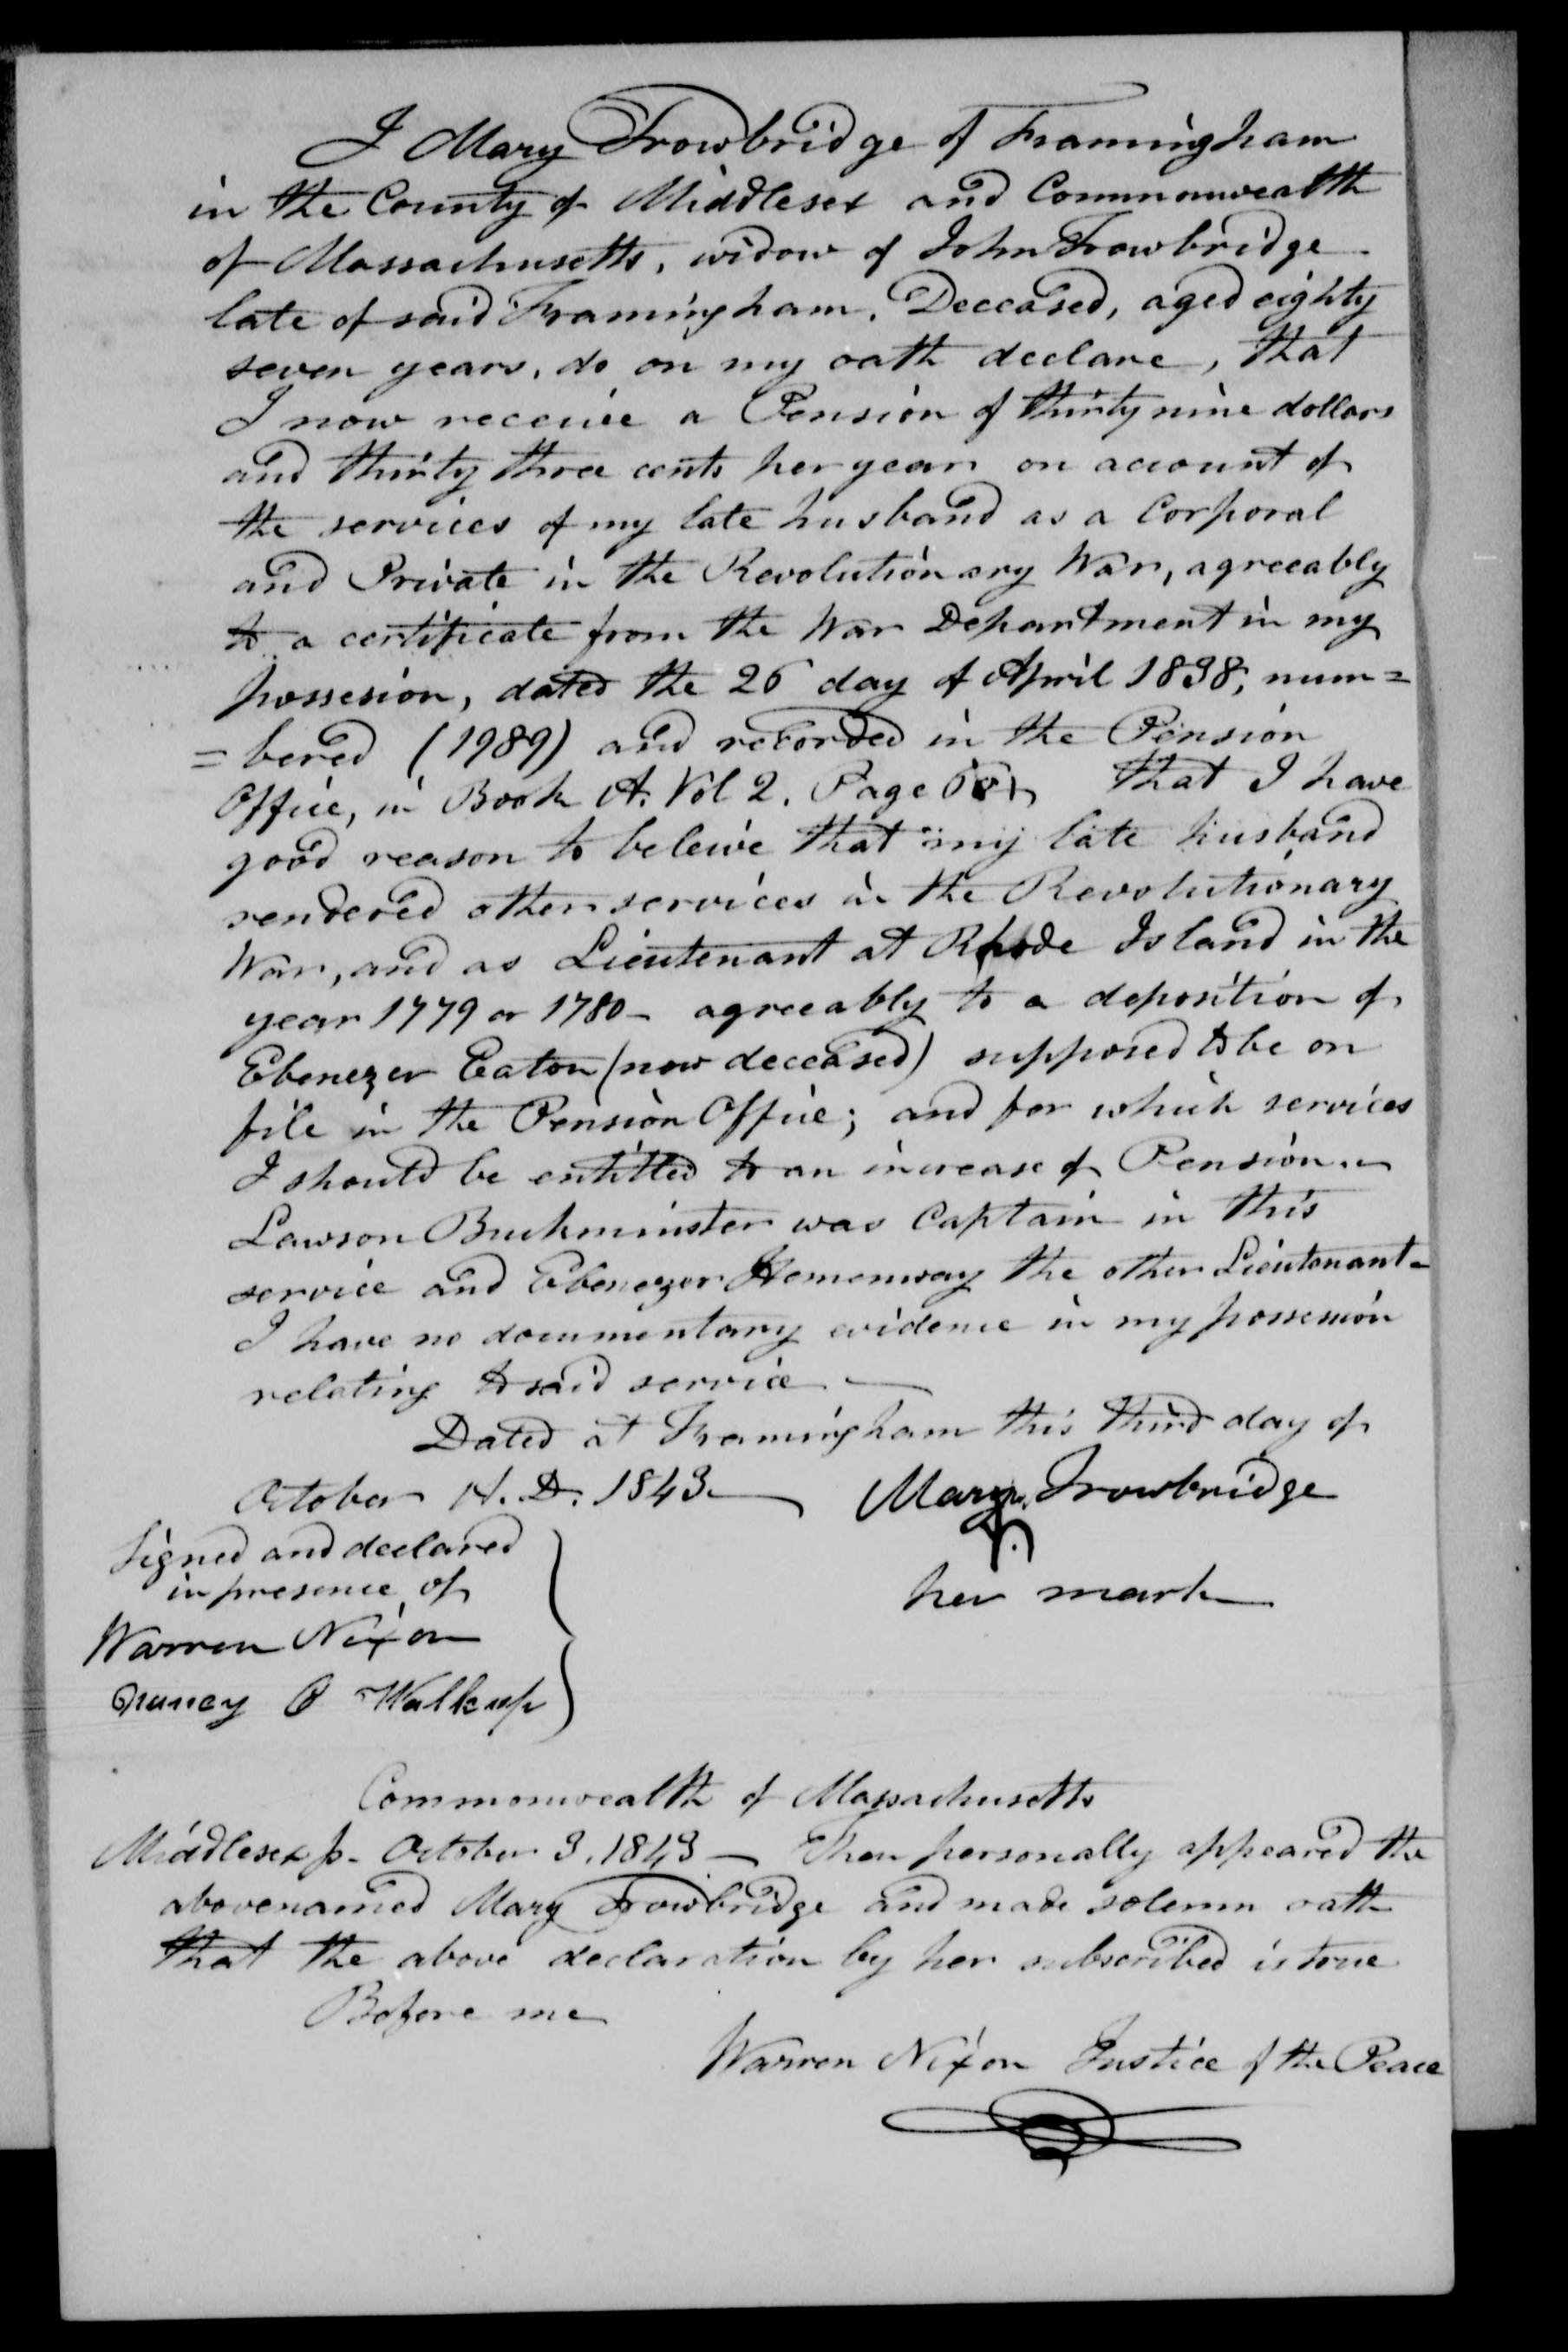I Mary Trowbridge of Framingham in the County of Middlesex and Commonwealth of Massachusetts, widow of John Trowbridge late of said Framingham, Deceased, aged eighty seven years, do on my oath declare, that I now receive a Pension of thirty nine dollars and thirty three cents per year on account of the services of my late husband as a Corporal and Private in the Revolutionary War, agreeably to a certificate from the War Department in my possession dated the 26 day of April 1838 numbered (1989) and recorded in the Pension Office in Book A. Vol 2. Page60 & that I have good reason to believe that my late husband rendered other services in the Revolutionary War and as Lieutenant at Rhode Island in the year 1779 or 1780 agreeably to a deposition of Ebenezer Eaton (now deceased) supposed to be on file in the Pension Office; and for which services I should be entitled to an increase of Pension. Lawson Buckminster was Captain in this service and Ebenezer Hemenway the other Lieutenant. I have no documentary evidence in my possession relating to said service.
Dated at Framingham this third day of October A. D. 1843 
Mary Trowbridge
 X her mark
Signed and declared in presence of
Warren Nixon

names: Mary Trowbridge, Ebenezer Eaton, Warren Nixon, John Trowbridge, Lawson Buckminster, Warren Nixon, Nancy C Walkup, Mary Trowbridge, Mary Trowbridge, Ebenezer Hememway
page: 28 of 34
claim: widow's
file: W. 15439, John Trowbridge, Mass.